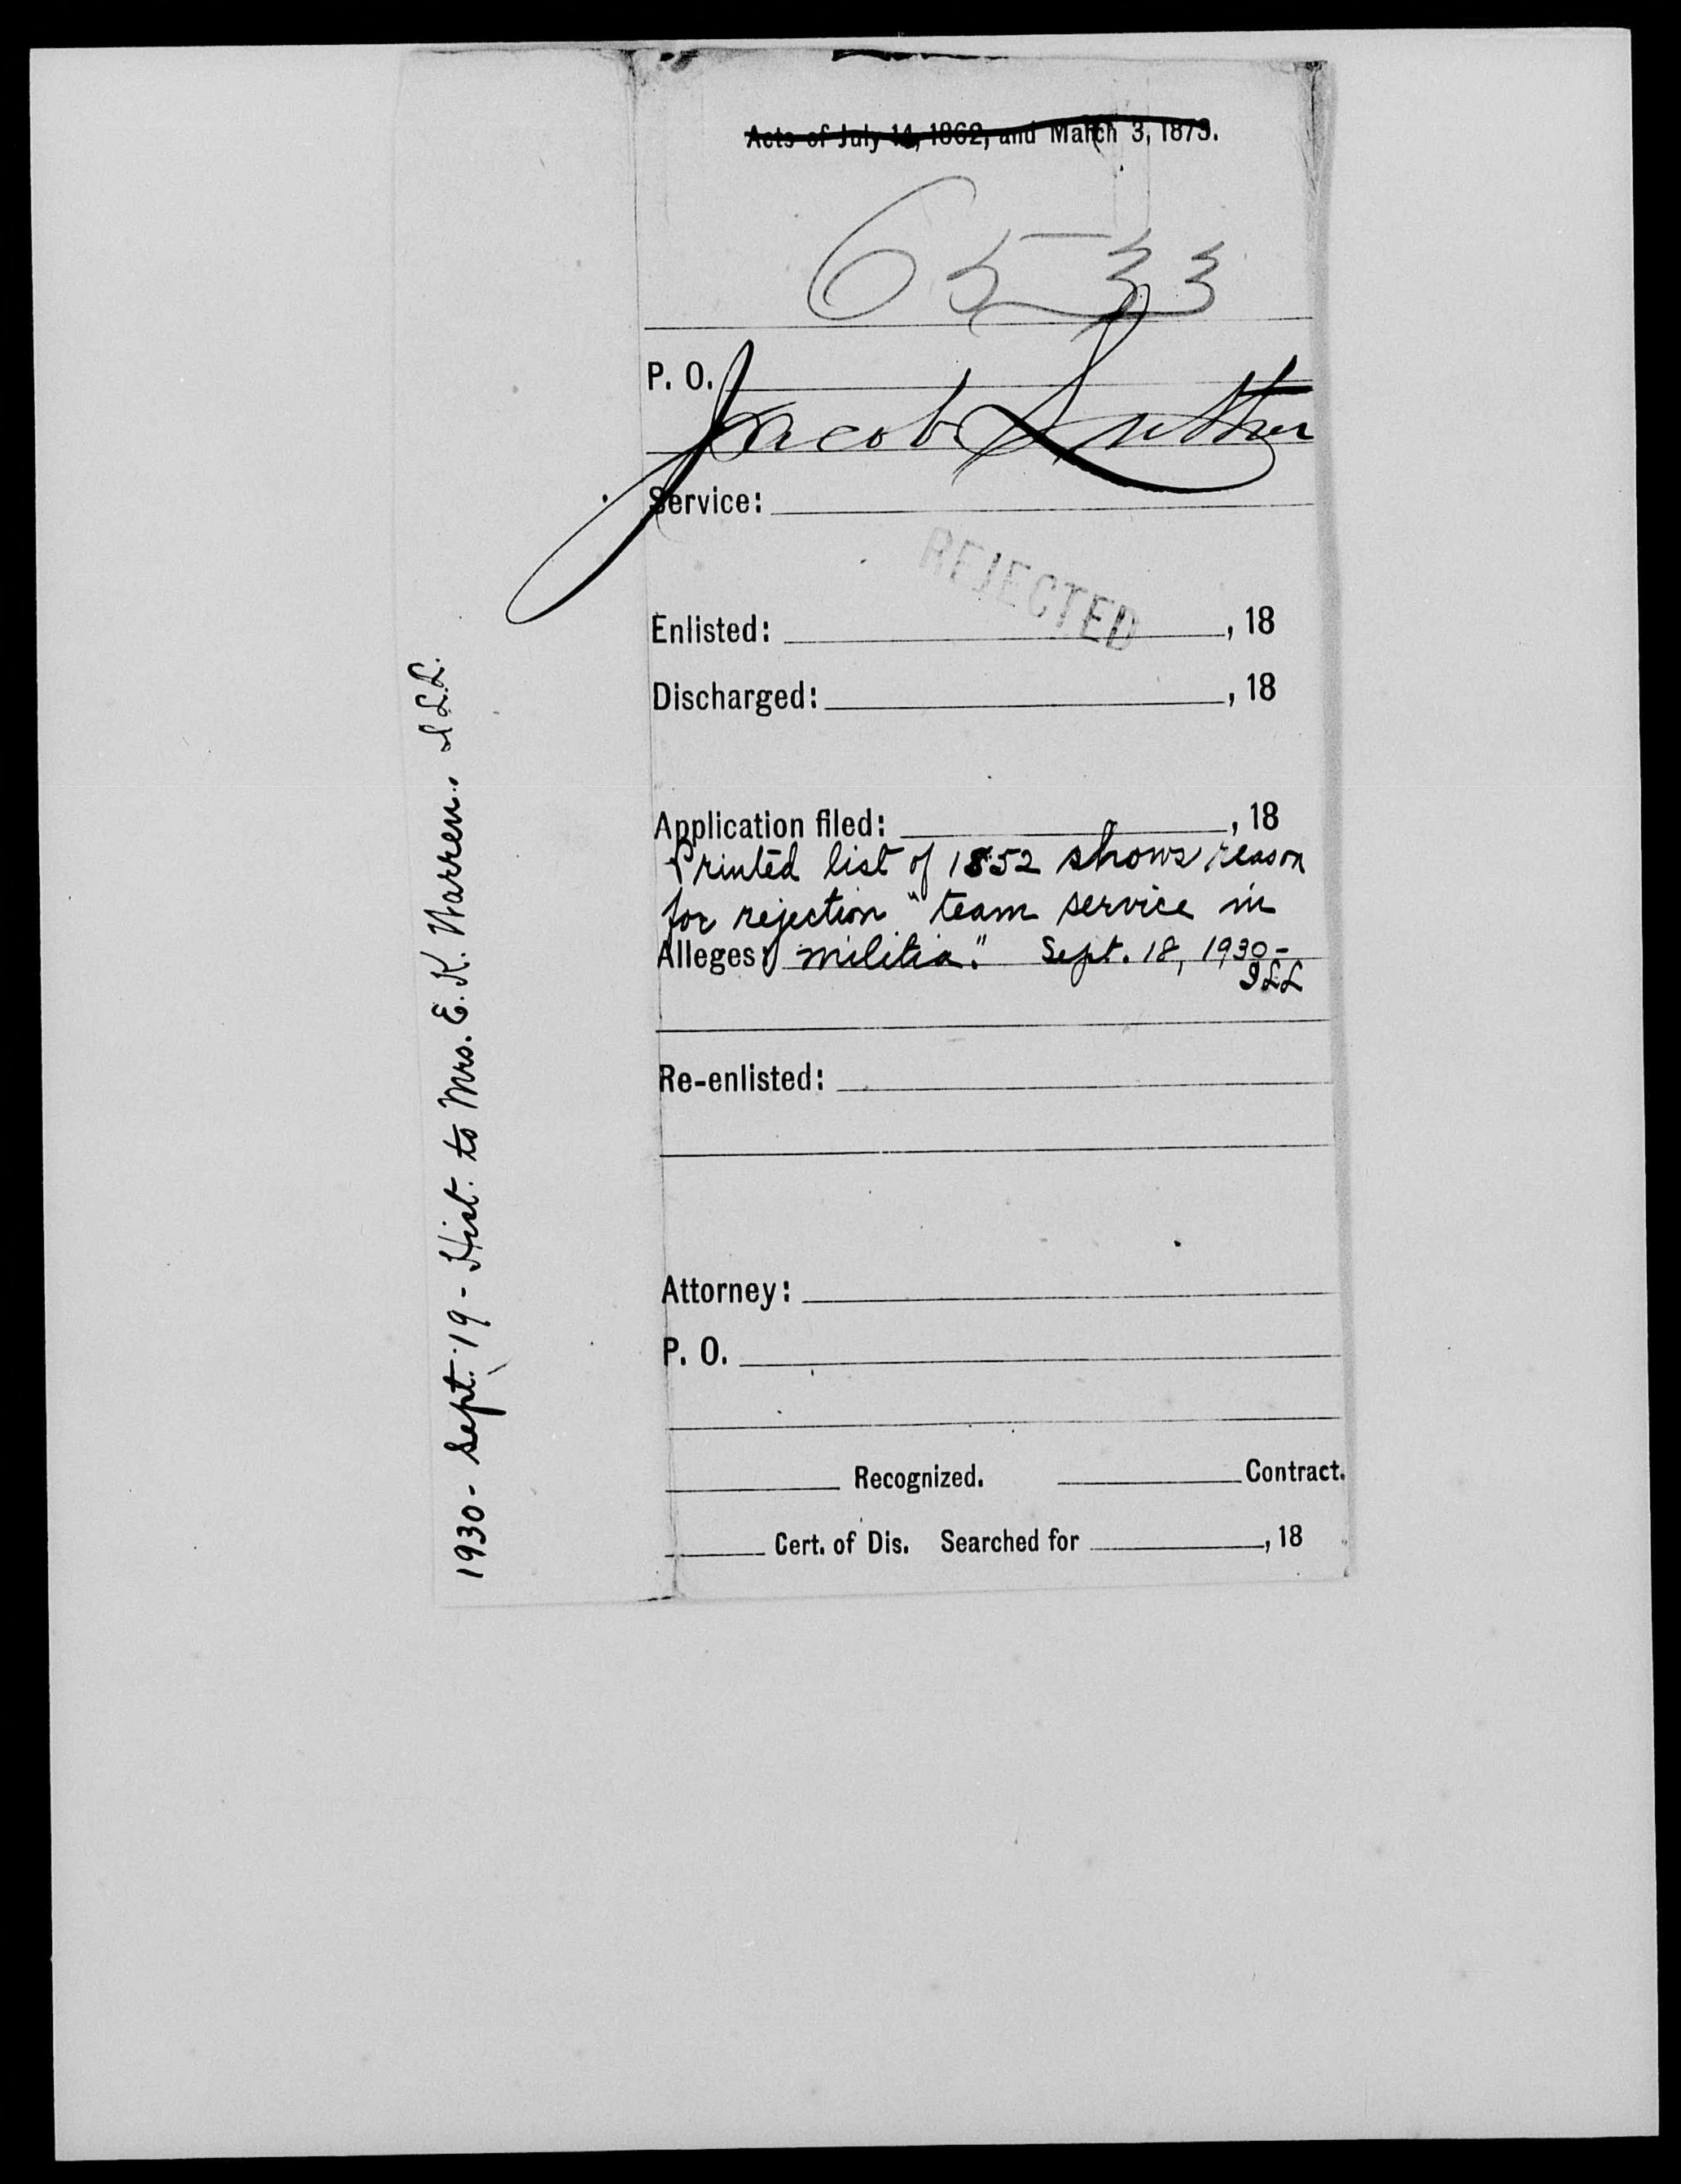Left Side Page

1930 Sept 19 - Hist to Mrs. E.K. Warren 

Right Side Page

6533
Jacob Luther

REJECTED

Printed list of 1852 shows reason for rejection "team service in militia" Sept 18, 1930 - ILL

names: Jacob Luther; E K Warren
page: 17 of 23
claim: rejected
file: R. 6533, for Jacob Luther, Maryland